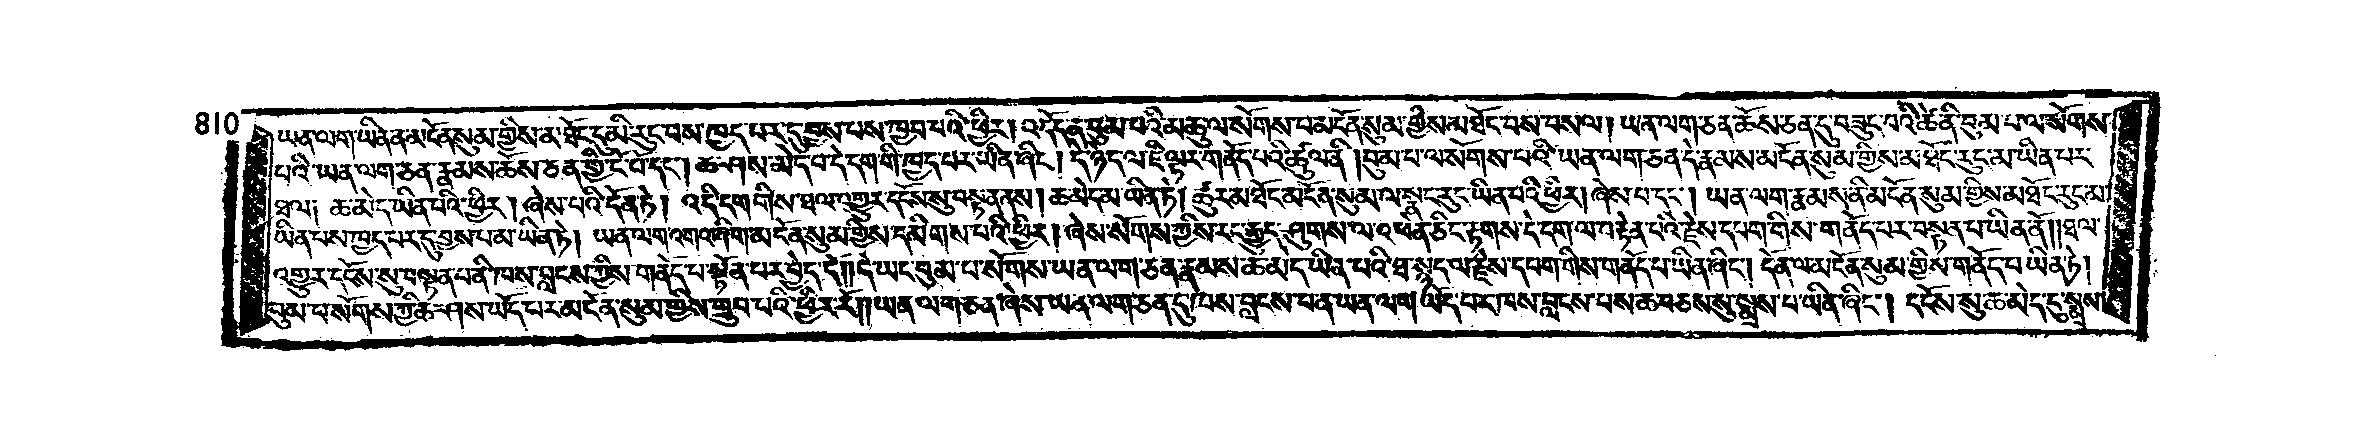ཡན་ལག་ཡིན་ན་མངོན་སུམ་གྱིས་མཐོང་དུ་མི་རུང་བས་ཁྱད་པར་དུ་བྱས་པས་ཁྱབ་པའི་ཕྱིར། འདོད་ན་བུམ་པའི་མཆུ་ལ་སོགས་པ་མངོན་སུམ་གྱིས་མཐོང་བས་བསལ། ཡན་ལག་ཅན་ཆོས་ཅན་དུ་བཟུང་བའི་ཚེ་ནི་བུམ་པ་ལ་སོགས་
པའི་ཡན་ལག་ཅན་རྣམས་ཆོས་ཅན་གྱི་ངོ་བོ་དང་། ཆ་ཤེས་མེད་པ་དེ་དག་གི་ཁྱད་པར་ཡིན་ཞིང་། དེ་ཉིད་ལ་ཇི་ལྟར་གནོད་པའི་ཚུལ་ནི། བུམ་པ་ལ་སོགས་པའི་ཡན་ལག་ཅན་དེ་རྣམས་མངོན་སུམ་གྱིས་མཐོང་རུང་མ་ཡིན་པར་
ཐལ། ཆ་མེད་ཡིན་པའི་ཕྱིར། ཞེས་པའི་དོན་ཏེ། འདི་དག་གིས་ཐལ་འགྱུར་དངོས་སུ་བསྟན་ནས། ཆ་མེད་མ་ཡིན་ཏེ། ཚུར་མཐོང་མངོན་སུམ་ལ་སྣང་རུང་ཡིན་པའི་ཕྱིར། ཞེས་པ་དང་། ཡན་ལག་རྣམས་ནི་མངོན་སུམ་གྱིས་མཐོང་རུང་མ་
ཡིན་པས་ཁྱད་པར་དུ་བྱས་པ་མ་ཡིན་ཏེ། ཡན་ལག་འགའ་ཞིག་མངོན་སུམ་གྱིས་དམིགས་པའི་ཕྱིར། ཞེས་སོགས་ཀྱིས་རང་རྒྱུད་ཤུགས་ལ་འཕེན་ཅིང་རྟགས་དེ་དག་ལ་བརྟེན་པའི་རྗེས་དཔག་གིས་གནོད་པར་བསྟན་པ་ཡིན་ནོ། །ཐལ་
འགྱུར་དངོས་སུ་བསྟན་པ་ནི་ཁས་བླངས་ཀྱིས་གནོད་པ་སྟོན་པར་བྱེད་དོ། །དེ་ཡང་བུམ་པ་སོགས་ཡན་ལག་ཅན་རྣམས་ཆ་མེད་ཡིན་པའི་ཐ་སྙད་ལ་རྗེས་དཔག་གིས་གནོད་པ་ཡིན་ཞིང་། དོན་ལ་མངོན་སུམ་གྱིས་གནོད་པ་ཡིན་ཏེ།
བུམ་པ་སོགས་ཀྱི་ཆ་ཤས་ཡོད་པར་མངོན་སུམ་གྱིས་གྲུབ་པའི་ཕྱིར་རོ། །ཡན་ལག་ཅན་ཞེས་ཡན་ལག་ཅན་དུ་ཁས་བླངས་པ་ན་ཡན་ལག་ཡོད་པར་ཁས་བླངས་པས་ཆ་བཅས་སུ་སྨྲས་པ་ཡིན་ཞིང་། དངོས་སུ་ཆ་མེད་དུ་སྨྲས་